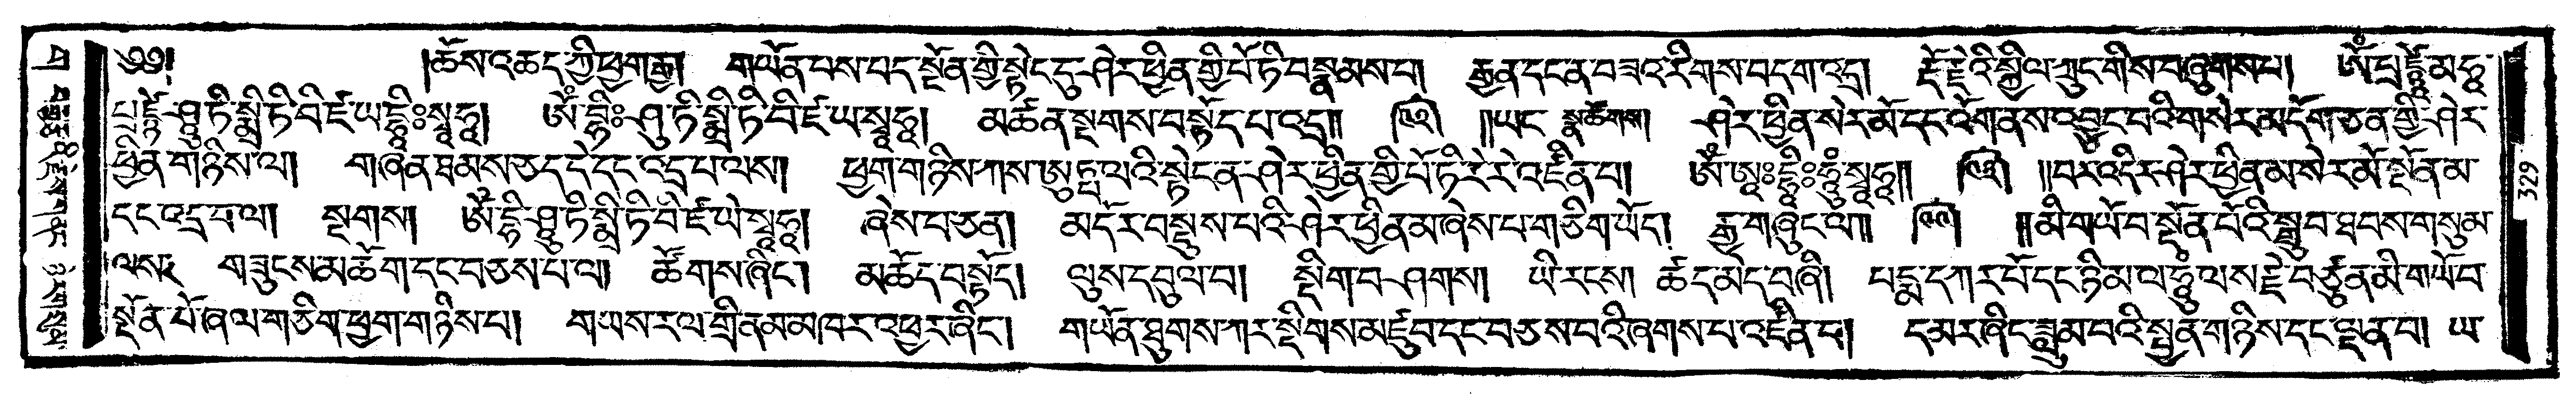༄༅། །ཆོས་འཆད་ཀྱི་ཕྱག་རྒྱ། གཡོན་པས་པད་སྔོན་གྱི་སྟེང་དུ་ཤེར་ཕྱིན་གྱི་པོ་ཏི་བསྣམས་པ། རྒྱན་དང་ན་བཟའ་རིགས་བདག་འདྲ། རྡོ་རྗེའི་སྐྱིལ་ཀྲུང་གིས་བཞུགས་པ། ཨོཾ་པྲཛྙE་མཧཱ་
པྲཛྙE་ཤཱུ་ཏི་སྨྲི་ཏི་བི་ཛ་ཡ་དྷཱིཿསྭཱཧཱ། ཨོཾ་བྷིཿཤུ་ཏི་སྨྲི་ཏི་བི་ཛ་ཡ་སྭཱཧཱ། མཚན་སྔགས་བསྟོད་པ་འདྲ།། ༤༢?་།།ཡང་སྣ་ཚོགས། ཤེར་ཕྱིན་སེར་མོ་དང་འོག་ནས་འབྱུང་བའི་གསེར་མདོག་ཅན་གྱི་ཤེར་
ཕྱིན་གཉིས་ལ། གཞན་ཐམས་ཅད་དེ་དང་འདྲ་པ་ལས། ཕྱག་གཉིས་ཀས་ཨུཏྤ་ལའི་སྟེང་ན་ཤེར་ཕྱིན་གྱི་པོ་ཏི་རེ་རེ་འཛིན་པ། ཨོཾ་ཨཱཿདྷཱིཿཧཱུཾ་སྭཱཧཱ།། ༤༣?་།།བར་འདིར་ཤེར་ཕྱིན་མ་སེར་མོ་སྔོན་མ་
དང་འདྲ་བ་ལ། སྔགས། ཨོཾ་དྷི་ཤཱུ་ཏི་སྨྲི་ཏི་བི་ཛ་ཡེ་སྭཱཧཱ། ཞེས་པ་ཅན། མདོར་བསྡུས་པའི་ཤེར་ཕྱིན་མ་ཞེས་པ་གཅིག་ཡོད། རྒྱ་གཞུང་ལས།། ༤༤?་།།མི་གཡོ་བ་སྔོན་པོའི་སྒྲུབ་ཐབས་གསུམ་
ལས༑ གཟུངས་མཆོག་དང་བཅས་པ་ལ། ཚོགས་ཞིང་། མཆོད་བསྟོད། ལུས་དབུལ་བ། སྡིག་བཤགས། ཡི་རངས། ཚད་མེད་བཞི། པདམ་དཀར་པོ་དང་ཉི་མ་ལ་ཧཱུཾ་ལས་རྗེ་བཙུན་མི་གཡོ་བ་
སྔོན་པོ་ཞལ་གཅིག་ཕྱག་གཉིས་པ། གཡས་རལ་གྲི་ནམ་མཁར་འཕྱར་ཞིང་། གཡོན་ཐུགས་ཀར་སྡིགས་མཛུབ་དང་བཅས་པའི་ཞགས་པ་འཛིན་པ། དམར་ཞིང་ཟླུམ་པའི་སྤྱན་གཉིས་དང་ལྡན་བ། ཡ་